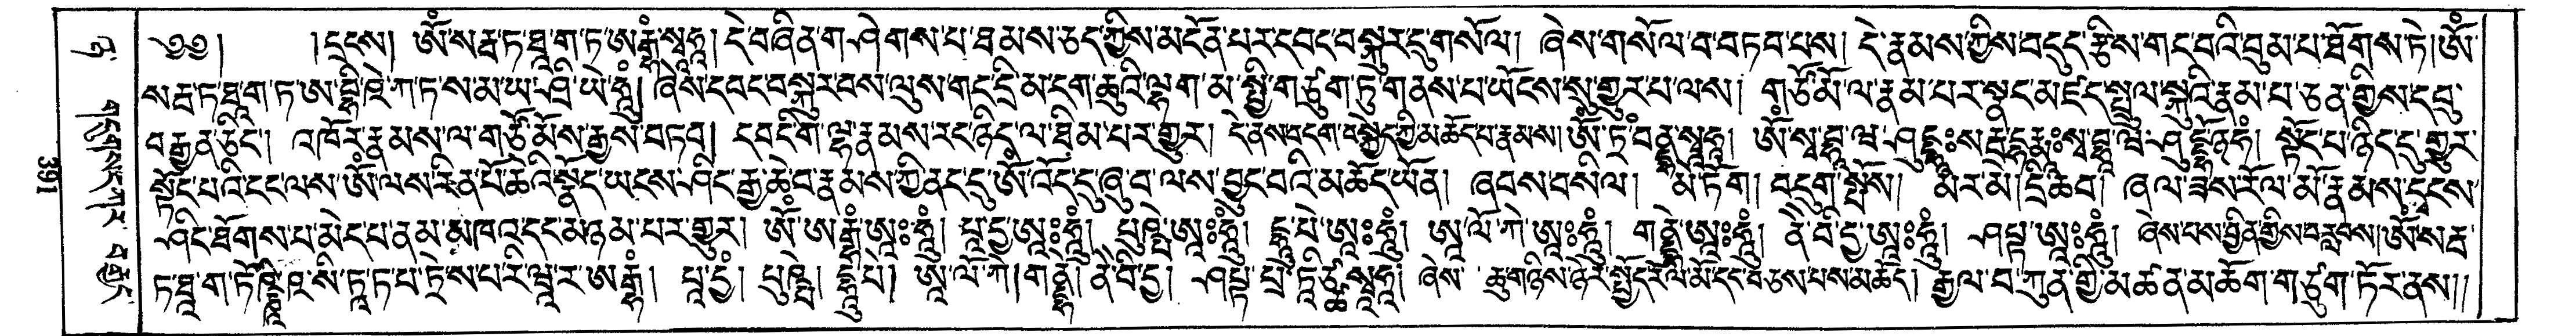༄༅། །དྲངས། ཨོཾ་སརྦ་ཏ་ཐཱ་ག་ཏ་ཨརྒྷཾ་སྭཱཧཱ། དེ་བཞིན་གཤེགས་པ་ཐམས་ཅད་ཀྱིས་མངོན་པར་དབང་བསྐུར་དུ་གསོལ། ཞེས་གསོལ་བ་བཏབ་པས། དེ་རྣམས་ཀྱིས་བདུད་རྩིས་གང་བའི་བུམ་པ་ཐོགས། ཨོཾ་
སརྦ་ཏ་ཐཱ་ག་ཏ་ཨ་བྷི་ཥེ་ཀ་ཏ་ས་མ་ཡ་ཤྲཱི་ཡེ་ཧཱུཾ། ཞེས་དབང་བསྐུར་བས་ལུས་གང་དྲི་མ་དག་ཆུའི་ལྷག་མ་སྤྱི་གཙུག་ཏུ་གནས་པ་ཡོངས་སུ་གྱུར་པ་ལས། གཙོ་མོ་ལ་རྣམ་པར་སྣང་མཛད་སྤྲུལ་སྐུའི་རྣམ་པ་ཅན་གྱིས་དབུ་
བརྒྱན་ཅིང་། འཁོར་རྣམས་ལ་གཙོ་མོས་རྒྱས་བཏབ། དབང་གི་ལྷ་རྣམས་རང་ཉིད་ལ་ཐིམ་པར་གྱུར། དེ་ནས་བདག་བསྐྱེད་ཀྱི་མཆོད་པ་རྣམས།  ཨོཾ་ཏྲ་བཾནྡྷ་སྭཱཧཱ། ཨོཾ་སྭ་བྷཱ་ཝ་ཤུདྡྷཱཿ སརྦ་དྷརྨཱཿ སྭ་བྷ་ཝ་ཤུདྡྷོཉ་ཧཾ། སྟོང་པ་ཉིད་དུ་གྱུར་
སྟོང་པའི་ངང་ལས་ཨོཾ་ལས་རིན་པོ་ཆེའི་སྣོད་ཡངས་ཤིང་རྒྱ་ཆེ་བ་རྣམས་ཀྱི་ནང་དུ་ཨོཾ་འོད་དུ་ཞུ་བ་ལས་བྱུང་བའི་མཆོད་ཡོན། ཞབས་བསིལ། མེ་ཏོག། བདུག་སྤོས། མར་མེ། དྲི་ཆབ། ཞལ་ཟས་རོལ་མོ་རྣམས་དྭངས་
ཤིང་ཐོགས་པ་མེད་པ་ནམ་མཁའ་དང་མཉམ་པར་གྱུར། ཨོཾ་ཨརྒྷཾ། ཨཱཿཧཱུཾ། པཱ་དྱ་ཨཱཾཿཧཱུ། པུཥྤེ་ཨཱཿཧཱུ། དྷཱུ་པེ་ཨཱཿ ཧཱུཾ། ཨཱ་ལོ་ཀེ་ཨཱཿཧཱུཾ། གནྡྷེ་ཨཱཿཧཱུ། ནཻ་བི་དྱ་ཨཱཿཧཱུཾ། ཤྤྟ་ཨཱཿཧཱུཾ། ཞེས་པས་བྱིན་གྱིས་བརླབས། ཨོཾ་སརྦ་
ཏ་ཐཱ་ག་ཏོ་ཥྞཱི་ཥ་སི་ཏཱ་ཏ་པ་ཏྲེ་ས་པ་རི་ཝཱ་ར་ཨརྒྷཾ། པཱ་དྱཾ། པུཥྤེ། དྷཱུ་པེ། ཨཱ་ལོ་ཀེ། གནྡྷེ། ནཻ་བི་དྱ། ཤཔྟ་པྲ་ཏཱིཙྪ་སྭཱཧཱ། ཞེས་པ་ཆུ་གཉིས་ཉེར་སྤྱོད་རོལ་མོ་དང་བཅས་པས་མཆོད།  རྒྱལ་བ་ཀུན་གྱི་མཚན་མཆོག་གཙུག་ཏོར་ནས།།